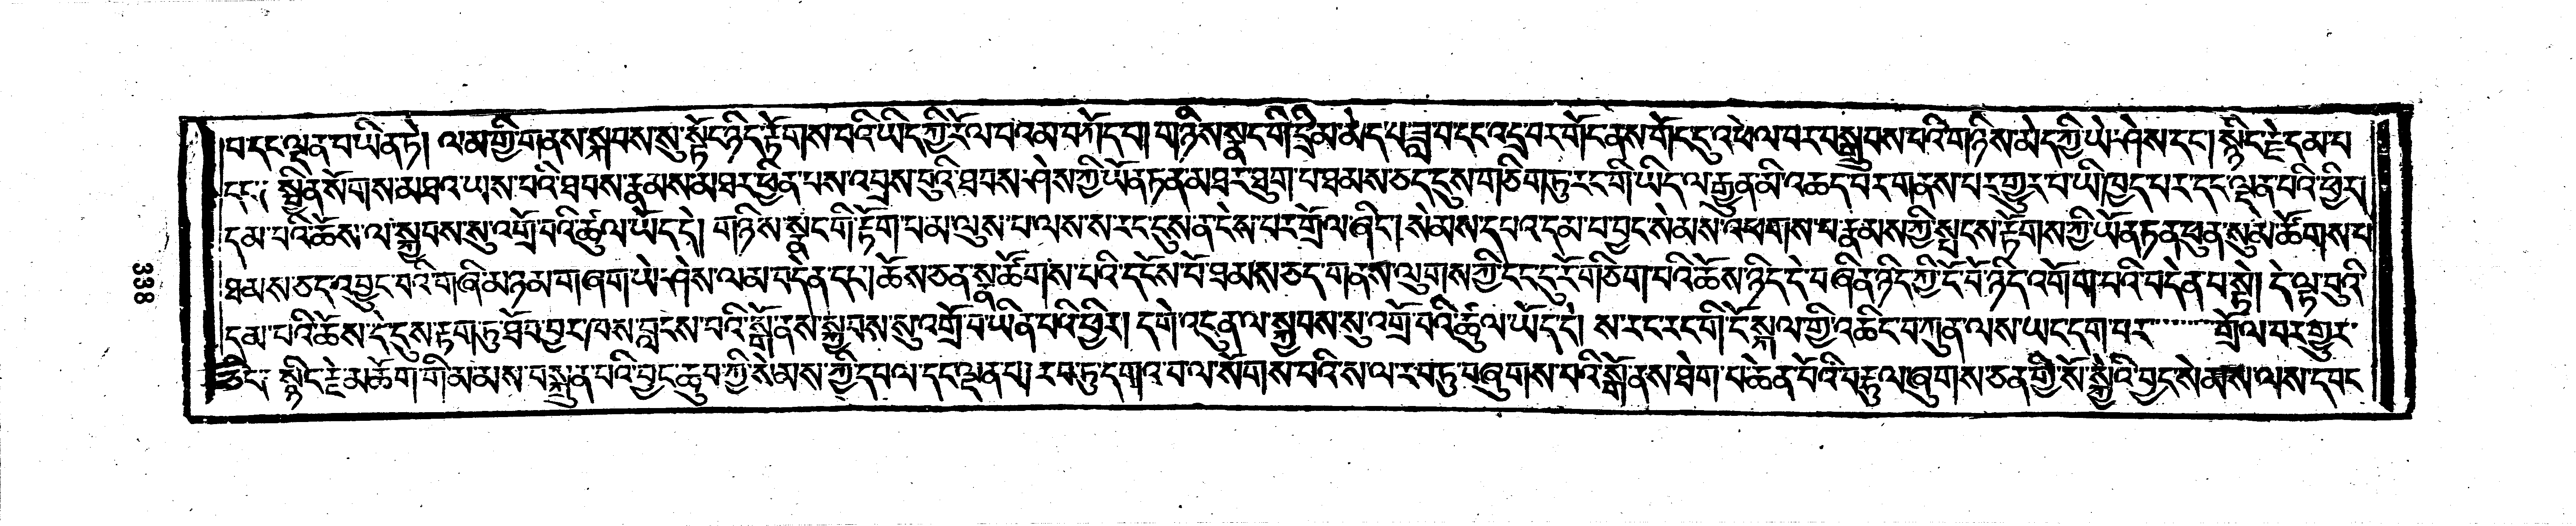པ་དང་ལྡན་པ་ཡིན་ཏེ། ལམ་གྱི་གནས་སྐབས་སུ་སྟོང་ཉིད་རྟོགས་པའི་ཡིད་ཀྱི་རོལ་བའམ་བཀོད་པ། གཉིས་སྣང་གི་དྲི་མ་མེད་པ་ཟླ་བ་དང་འདྲ་བར་གོང་ནས་གོང་དུ་འཕེལ་བར་བསྒྲུབས་པའི་གཉིས་མེད་ཀྱི་ཡེ་ཤེས་དང་། སྙིང་རྗེ་དམ་པ་
དང༑ སྦྱིན་སོགས་མཐའ་ཡས་པའི་ཐབས་རྣམས་མཐར་ཕྱིན་པས་འབྲས་བུའི་ཐབས་ཤེས་ཀྱི་ཡོན་ཏན་མཐར་ཐུག་པ་ཐམས་ཅད་དུས་གཅིག་ཏུ་རང་གི་ཡིད་ལ་རྒྱུན་མི་འཆད་པར་གནས་པར་གྱུར་པ་ཡི་ཁྱད་པར་དང་ལྡན་པའི་ཕྱིར།
དམ་པའི་ཆོས་ལ་སྐྱབས་སུ་འགྲོ་བའི་ཚུལ་ཡོད་དེ། གཉིས་སྣང་གི་རྟོག་པ་མ་ལུས་པ་ལས་ས་རང་དུས་ན་ངེས་པར་གྲོལ་ཞིང་། སེམས་དཔའ་དམ་པ་བྱང་སེམས་འཕགས་པ་རྣམས་ཀྱི་སྤངས་རྟོགས་ཀྱི་ཡོན་ཏན་ཕུན་སུམ་ཚོགས་པ་
ཐམས་ཅད་འབྱུང་བའི་གཞི་མཉམ་གཞག་ཡེ་ཤེས་ལམ་བདེན་དང་། ཆོས་ཅན་སྣ་ཚོགས་པའི་དངོས་པོ་ཐམས་ཅད་གནས་ལུགས་ཀྱི་ངང་དུ་རོ་གཅིག་པའི་ཆོས་ཉིད་དེ་བཞིན་ཉིད་ཀྱི་ངོ་བོ་ཉིད་འགོག་པའི་བདེན་པ་སྟེ། དེ་ལྟ་བུའི་
དམ་པའི་ཆོས་དེ་དུས་རྟག་ཏུ་ཐོབ་བྱར་ཁས་བླངས་པའི་སྒོ་ནས་སྐྱབས་སུ་འགྲོ་བ་ཡིན་པའི་ཕྱིར། དགེ་འདུན་ལ་སྐྱབས་སུ་འགྲོ་བའི་ཚུལ་ཡོད་དེ། ས་རང་རང་གི་ངོ་སྐལ་གྱི་འཆིང་བ་ཀུན་ལས་ཡང་དག་པར་གྲོལ་བར་གྱུར་
ཅིང༑ སྙིང་རྗེ་མཆོག་གི་མ་མས་བསྐྲུན་པའི་བྱང་ཆུབ་ཀྱི་སེམས་ཀྱི་དཔལ་དང་ལྡན་པ། རབ་ཏུ་དགའ་བ་ལ་སོགས་པའི་ས་ལ་རབ་ཏུ་བཞུགས་པའི་སྒོ་ནས་ཐེག་པ་ཆེན་པོའི་བརྟུལ་ཞུགས་ཅན་གྱི་སོ་སྐྱའི་བྱང་སེམས་ལས་དབང་